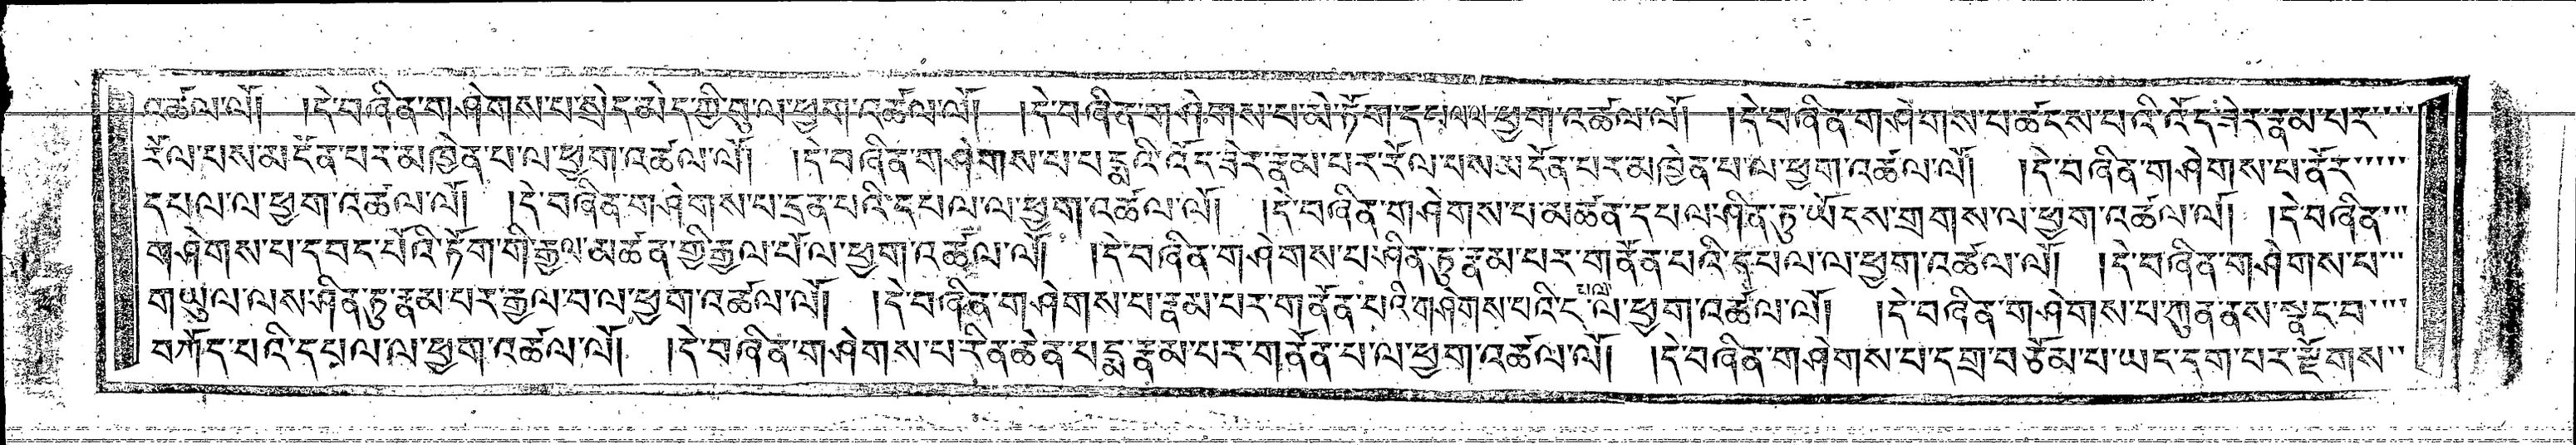འཚལ་ལོ། །དེ་བཞིན་གཤེགས་པ་སྲེད་མེད་ཀྱི་བུ་ལ་ཕྱག་འཚལ་ལོ། །དེ་བཞིན་གཤེགས་པ་མེ་ཏོག་དཔལ་ལ་ཕྱག་འཚལ་ལོ། །དེ་བཞིན་གཤེགས་པ་ཚངས་པའི་འོད་ཟེར་རྣམ་པར་
རོལ་པས་མངོན་པར་མཁྱེན་པ་ལ་ཕྱག་འཚལ་ལོ། །དེ་བཞིན་གཤེགས་པ་པདམའི་འོད་ཟེར་རྣམ་པར་རོལ་པས་མངོན་པར་མཁྱེན་པ་ལ་ཕྱག་འཚལ་ལོ། །དེ་བཞིན་གཤེགས་པ་ནོར་
དཔལ་ལ་ཕྱག་འཚལ་ལོ། །དེ་བཞིན་གཤེགས་པ་དྲན་པའི་དཔལ་ལ་ཕྱག་འཚལ་ལོ། །དེ་བཞིན་གཤེགས་པ་མཚན་དཔལ་ཤིན་ཏུ་ཡོངས་གྲགས་ལ་ཕྱག་འཚལ་ལོ། །དེ་བཞིན་
གཤེགས་པ་དབང་པོའི་ཏོག་གི་རྒྱལ་མཚན་གྱི་རྒྱལ་པོ་ལ་ཕྱག་འཚལ་ལོ། །དེ་བཞིན་གཤེགས་པ་ཤིན་ཏུ་རྣམ་པར་གནོན་པའི་དཔལ་ལ་ཕྱག་འཚལ་ལོ། །དེ་བཞིན་གཤེགས་པ་
གཡུལ་ལས་ཤིན་ཏུ་རྣམ་པར་རྒྱལ་བ་ལ་ཕྱག་འཚལ་ལོ། །དེ་བཞིན་གཤེགས་པ་རྣམ་པར་གནོན་པའི་གཤེགས་པའི་དཔལ་ལ་ཕྱག་འཚལ་ལོ། །དེ་བཞིན་གཤེགས་པ་ཀུན་ནས་སྣང་བ་
བཀོད་པའི་དཔལ་ལ་ཕྱག་འཚལ་ལོ། །དེ་བཞིན་གཤེགས་པ་རིན་ཆེན་པདམ་རྣམ་པར་གནོན་པ་ལ་ཕྱག་འཚལ་ལོ། །དེ་བཞིན་གཤེགས་པ་དགྲ་བཅོམ་པ་ཡང་དག་པར་རྫོགས་